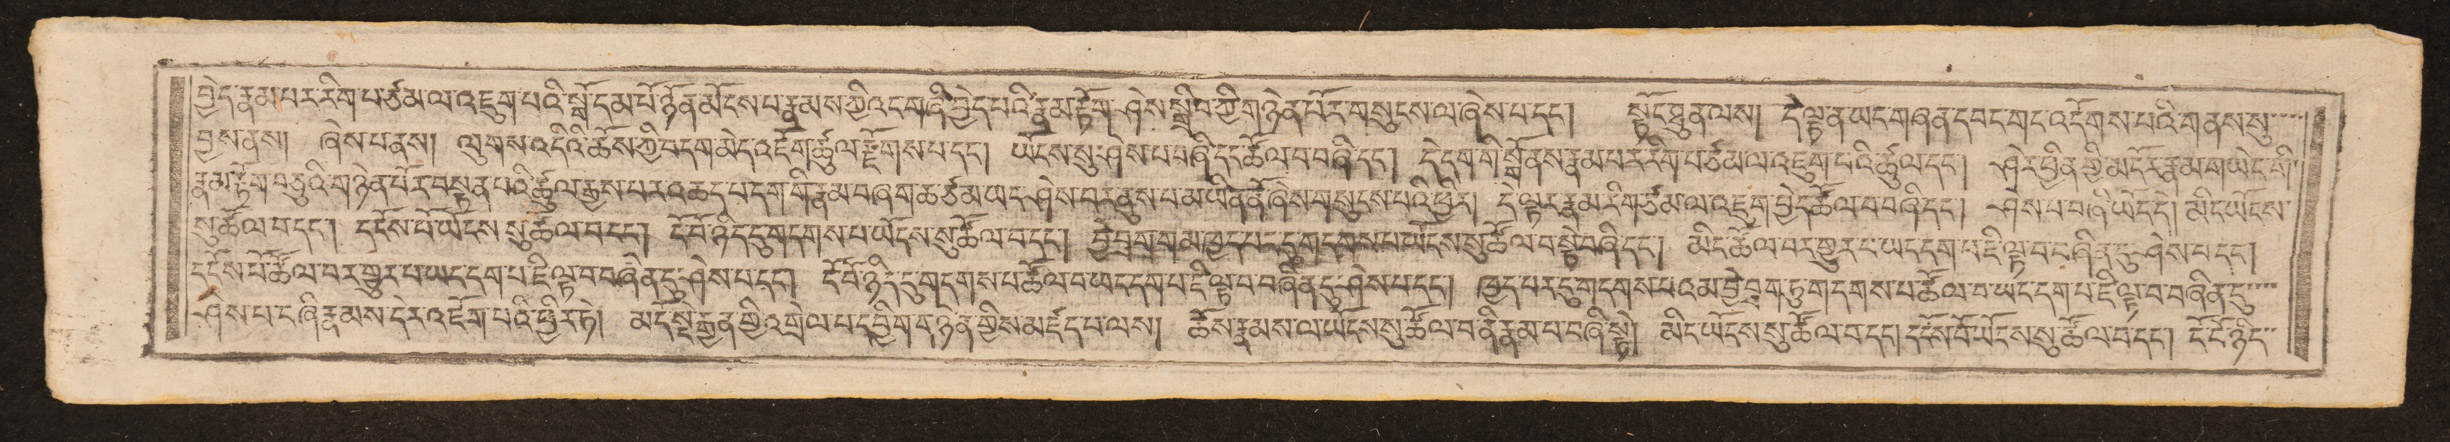བྱེད་རྣམ་པར་རིག་པ་ཙམ་ལ་འཇུག་པའི་སྒོ་དམ་པོ་ཉོན་མོངས་པ་རྣམས་ཀྱིའང་གཞི་བྱེད་པའི་རྣམ་རྟོག་ཤེས་སྒྲིབ་ཀྱི་གཉེན་པོར་གསུངས་ལ་ཞེས་པ་དང་། སྟོང་ཐུན་ལས། དེ་ལྟ་ན་ཡང་གཞན་དབང་གང་འདོགས་པའི་གནས་སུ་
བྱས་ནས། ཞེས་པ་ནས། ལུགས་འདིའི་ཆོས་ཀྱི་བདག་མེད་འཇོག་ཚུལ་རྫོགས་པ་དང་། ཡོངས་སུ་ཤེས་པ་བཞི་དང་ཚོལ་བ་བཞི་དང་། དེ་དག་གི་སྒོ་ནས་རྣམ་པར་རིག་པ་ཙམ་ལ་འཇུག་པའི་ཚུལ་དང་། ཤེར་ཕྱིན་གྱི་མདོར་རྣམ་གཡེང་གི་
རྣམ་རྟོག་བཅུའི་གཉེན་པོར་བསྟན་པའི་ཚུལ་རྒྱས་པར་འཆད་པ་དག་གི་རྣམ་བཞག་ཆ་ཙམ་ཡང་ཤེས་པར་ནུས་པ་མ་ཡིན་ནོ་ཞེས་གསུངས་པའི་ཕྱིར། དེ་ལྟར་རྣམ་རིག་ཙམ་ལ་འཇུག་བྱེད་ཚོལ་བ་བཞི་དང་། ཤེས་པ་བཞི་ཡོད་དེ། མིང་ཡོངས་
སུ་ཚོལ་བ་དང་། དངོས་པོ་ཡོངས་སུ་ཚོལ་བ་དང་། ངོ་བོ་ཉིད་དུ་གདགས་པ་ཡོངས་སུ་ཚོལ་བ་དང་། བྱེ་བྲག་གམ་ཁྱད་པར་དུ་གདགས་པ་ཡོངས་སུ་ཚོལ་བ་སྟེ་བཞི་དང་། མིང་ཚོལ་བར་གྱུར་པ་ཡང་དག་པ་ཇི་ལྟ་བ་བཞིན་དུ་ཤེས་པ་དང་།
དངོས་པོ་ཚོལ་བར་གྱུར་པ་ཡང་དག་པ་ཇི་ལྟ་བ་བཞིན་དུ་ཤེས་པ་དང་། ངོ་བོ་ཉིད་དུ་གདགས་པ་ཚོལ་བ་ཡང་དག་པ་ཇི་ལྟ་བ་བཞིན་དུ་ཤེས་པ་དང་། ཁྱད་པར་དུ་གདགས་པའམ་བྱེ་བྲག་ཏུ་གདགས་པ་ཚོལ་བ་ཡང་དག་པ་ཇི་ལྟ་བ་བཞིན་དུ་
ཤེས་པ་བཞི་རྣམས་དེར་འཇོག་པའི་ཕྱིར་ཏེ། མདོ་སྡེ་རྒྱན་གྱི་འགྲེལ་པ་དབྱིག་གཉེན་གྱིས་མཛད་པ་ལས། ཆོས་རྣམས་ལ་ཡོངས་སུ་ཚོལ་བ་ནི་རྣམ་པ་བཞི་སྟེ། མིང་ཡོངས་སུ་ཚོལ་བ་དང་། དངོས་པོ་ཡོངས་སུ་ཚོལ་བ་དང་། ངོ་བོ་ཉིད་